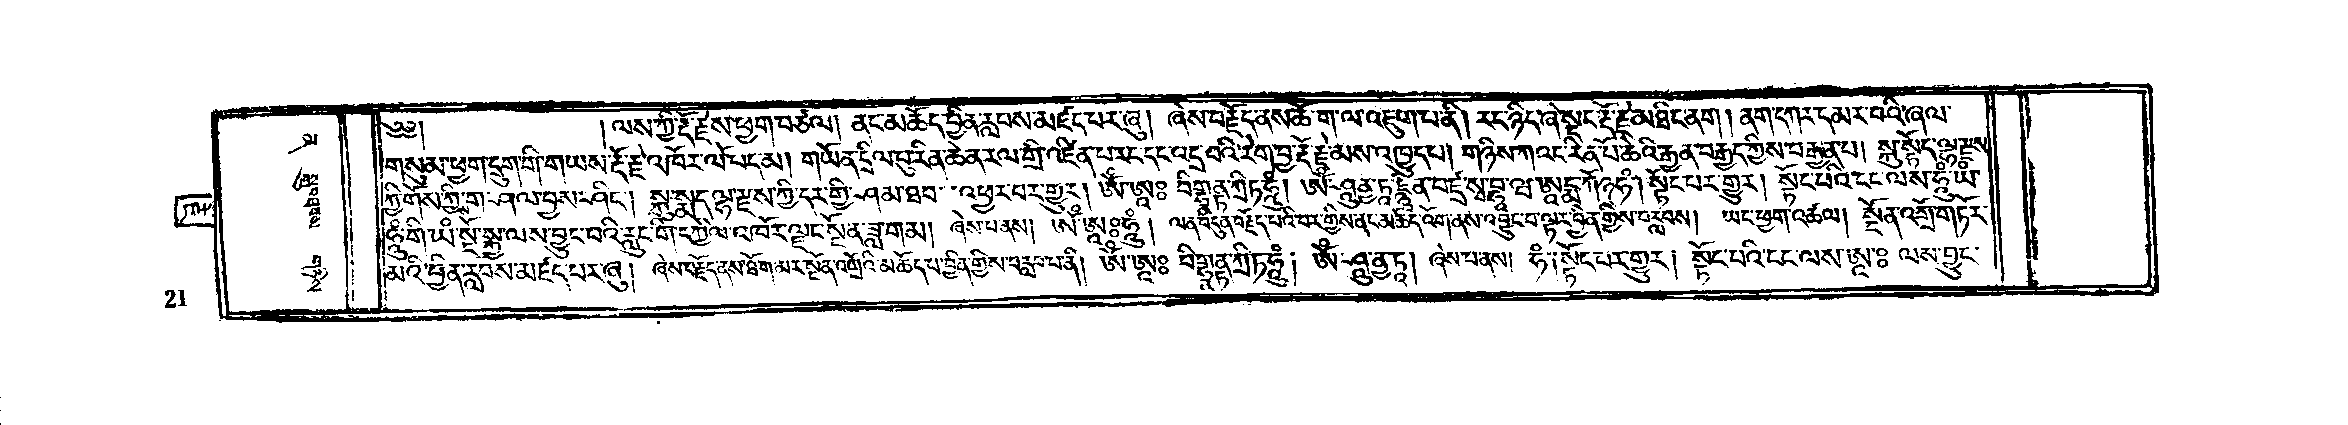༄༅། །ལས་ཀྱི་རྡོ་རྗེས་ཕྱག་བཙལ། ནང་མཆོད་བྱིན་རླབས་མཛད་པར་ཞུ། ཞེས་བརྗོད་ནས་ཆོ་ག་ལ་འཇུག་པ་ནི། རང་ཉིད་ཞེ་སྡང་རྡོ་རྗེ་མཐིང་ནག །ནག་དཀར་དམར་བའི་ཞལ་
གསུམ་ཕྱག་དྲུག་གི་གཡས་རྡོ་རྗེ་འཁོར་ལོ་པད་མ། གཡོན་དྲིལ་བུ་རིན་ཆེན་རལ་གྲི་འཛིན་པ་རང་དང་འདྲ་བའི་རེག་བྱ་རྡོ་རྗེ་མས་འཁྱུད་པ། གཉིས་ཀའང་རིན་པོ་ཆེའི་རྒྱན་བརྒྱད་ཀྱིས་བརྒྱན་པ། སྐུ་སྟོད་ལྷ་རྫས་
ཀྱི་གོས་ཀྱིས་གཤལ་བྱས་ཤིང་། སྐུ་སྨད་ལྷ་རྫས་ཀྱི་དར་གྱི་ཤམ་ཐབ་འཕྱར་བར་གྱུར། ཨོཾ་ཨཱཿ བིགྷྣནྟ་ཀྲི་ཏ་ཧཱུཾ། ཨོཾ་ཤཱུ་ནཡ་ཏཱ་ཛྙཱ་ན་བཛྲ་སྭ་བྷཱ་ཝ་ཨཱངྨ་ཀོ་ཉ་ཧཾ། སྟོང་པར་གྱུར། སྟོང་པའི་ངང་ལས་ཧཱུཾ་ཡཾ་
ཧཱུཾ་གི་ཡཾ་སྔོ་སྐྱེ་ལ་བྱུང་བའི་རླུང་གི་དཀྱིལ་འཁོར་ལྗང་སྔོན་ཟླ་གམ། ཞེས་པ་ནས།  ཨོཾ་ཨཱཿ ཧཱུཾ། ལན་བདུན་བརྗོད་པའི་བར་གྱིས་ནང་མཆོད་འོག་ནས་འབྱུང་བ་ལྟར་བྱིན་གྱིས་བརླབས།  ཡང་ཕྱག་འཚལ། སྔོན་འགྲོ་གཏོར་
མའི་བྱིན་རླབས་མཛད་པར་ཞུ། ཞེས་བརྗོད་ནས་ཐོག་མར་སྔོན་འགྲོའི་མཆོད་པ་བྱིན་གྱིས་བརླབ་པ་ནི་། ཨོཾ་ཨཱཿ བིགྷྣནྟ་ཀྲི་ཏ་ཧཱུཾ། ཨོཾ་ཤཱུ་ནཡ་ཏཱ། ཞེས་པ་ནས། ཧཾ། སྟོང་པར་གྱུར། སྟོང་པའི་ངང་ལས་ཨཱཿ ལས་བྱུང་